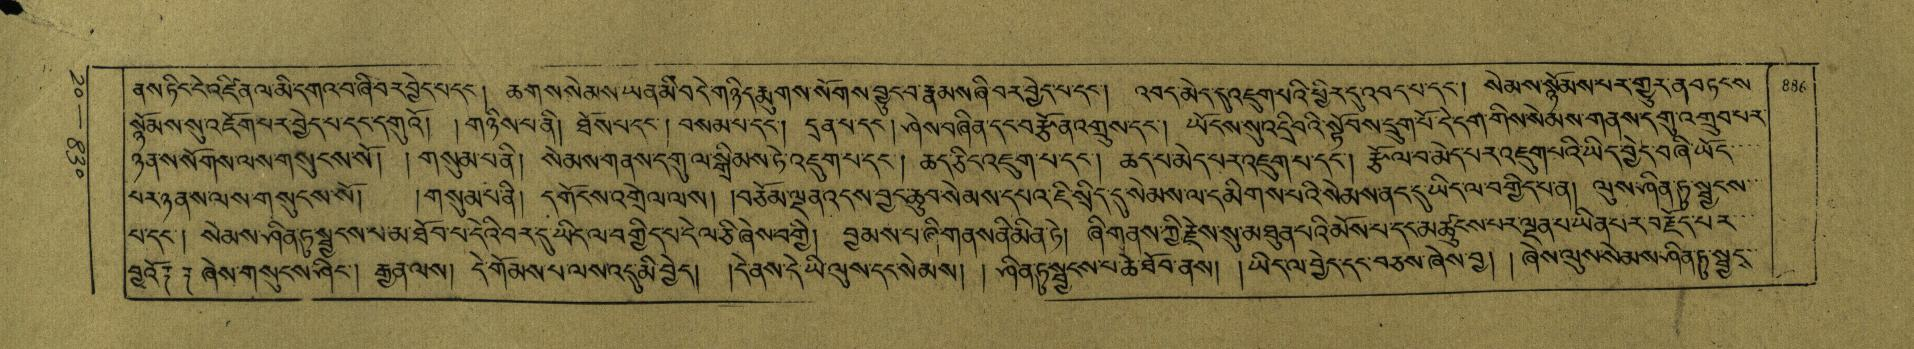ནས་ཏིང་ངེ་འཛིན་ལ་མི་དགའ་བ་ཞི་བར་བྱེད་པ་དང་། ཆགས་སེམས་ཡིན་མི་བདེ་གཉིད་རྨུགས་སོགས་བྱུང་བ་རྣམས་ཞི་བར་བྱེད་པ་དང་། འབད་མེད་དུ་འཇུག་པའི་ཕྱིར་དུ་འབད་པ་དང་། སེམས་སྙོམས་པར་གྱུར་ན་བཏངས་
སྙོམས་སུ་འཇོག་པར་བྱེད་པ་དང་དགུའོ། །གཉིས་པ་ནི། ཐོས་པ་དང་། བསམ་པ་དང་། དྲན་པ་དང་། ཤེས་བཞིན་དང་བརྩོན་འགྲུས་དང་། ཡོངས་སུ་འདྲི་བའི་སྟོབས་དྲུག་པོ་དེ་དག་གིས་སེམས་གནས་དགུ་འགྲུབ་པར་
ཉན་ས་སོགས་ལས་གསུངས་སོ། །གསུམ་པ་ནི། སེམས་གནས་དགུ་ལ་སྒྲིམས་ཏེ་འཇུག་པ་དང་། ཆད་ཅིང་འཇུག་པ་དང་། ཆད་པ་མེད་པར་འཇུག་པ་དང་། རྩོལ་བ་མེད་པར་འཇུག་པའི་ཡིད་བྱེད་བཞི་ཡོད་
པར་ཉན་ས་ལས་གསུངས་སོ། །གསུམ་པ་ནི། དགོངས་འགྲེལ་ལས། །བཅོམ་ལྡན་འདས་བྱང་ཆུབ་སེམས་དཔའ་ཇི་སྲིད་དུ་སེམས་ལ་དམིགས་པའི་སེམས་ནང་དུ་ཡིད་ལ་བགྱིད་པ་ན། ལུས་ཤིན་ཏུ་སྦྱངས་
པ་དང་། སེམས་ཤིན་ཏུ་སྦྱངས་པ་མ་ཐོབ་པ་དེའི་བར་དུ་ཡིད་ལ་བགྱིད་པ་དེ་ལ་ཅི་ཞེས་བགྱི། བྱམས་པ་ཞི་གནས་ནི་མིན་ཏེ། ཞི་གནས་ཀྱི་རྗེས་སུ་མཐུན་པའི་མོས་པ་དང་མཚུངས་པར་ལྡན་པ་ཡིན་པར་བརྗོད་པར་
བྱའོ༑ ༑ཞེས་གསུངས་ཤིང་། རྒྱན་ལས། དེ་གོམས་པ་ལས་འདུ་མི་བྱེད། །དེ་ནས་དེ་ཡི་ལུས་དང་སེམས། །ཤིན་ཏུ་སྦྱངས་པ་ཆེ་ཐོབ་ནས། །ཡིད་ལ་བྱེད་དང་བཅས་ཞེས་བྱ། །ཞེས་ལུས་སེམས་ཤིན་ཏུ་སྦྱངས་